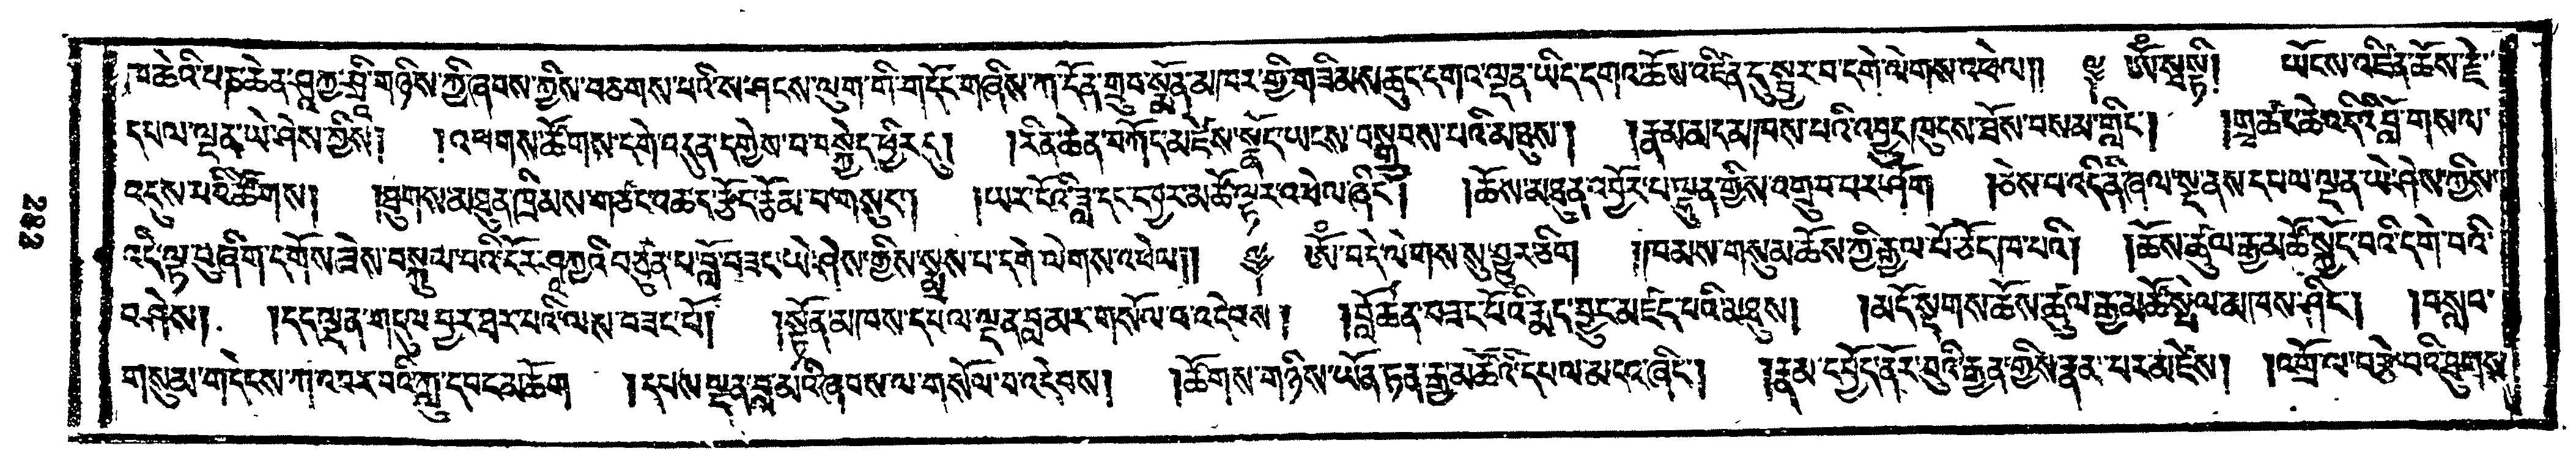ཁ་ཆེའི་པཎ་ཆེན་ཤཱཀྱ་ཤྲཱི་གཉིས་ཀྱི་ཞབས་ཀྱིས་བཅགས་པའི་ས་ཤངས་ལུགས་གི་གདོང་གཞིས་ཀ་དོན་གྲུབ་སྨོན་མཁར་གྱི་གཟིམས་ཆུང་དགའ་ལྡན་ཡིད་དགའ་ཆོས་འཛིན་དུ་སྦྱར་བ་དགེ་ལེགས་འཕེལ།། ༈ ཨོཾ་སྭསྟི། ཡོངས་འཛིན་ཆོས་རྗེ་
དཔལ་ལྡན་ཡེ་ཤེས་ཀྱིས། །འཕགས་ཚོགས་དགེ་འདུན་དགྱེས་བ་བསྐྱེད་ཕྱིར་དུ། །རིན་ཆེན་བཀོད་མཛེས་སྣོད་ཡངས་བསྒྲུབས་པའི་མཐུས། །རྣམ་མང་མཁས་པའི་འབྱུང་ཁུངས་ཐོས་བསམ་གླིང་། །གྲྭ་ཚང་ཆེ་འདིའི་བློ་གསལ་
འདུས་པའི་ཚོགས། །ཐུགས་མཐུན་ཁྲིམས་གཙང་འཆད་རྩོད་རྩོམ་པ་གསུང་། །ཡར་ངོའི་ཟླ་དང་དབྱར་མཚོ་ལྟར་འཕེལ་ཞིང་། །ཆོས་མཐུན་འབྱོར་པ་ལྷུན་གྱིས་འགྲུབ་པར་ཤོག །ཅེས་པ་འདི་ནི་ཞལ་སྔ་ནས་དཔལ་ལྡན་ཡེ་ཤེས་ཀྱིས་
འདི་ལྟ་བུ་ཞིག་དགོས་ཞེས་བསྐུལ་བའི་ངོར་ཤཱཀྱའི་བཙུན་པ་བློ་བཟང་ཡེ་ཤེས་གྱིས་སྨྲས་པ་དགེ་ལེགས་འཕེལ།། ༈ ཨོཾ་བདེ་ལེགས་སུ་བྱུར་ཅིག །ཁམས་གསུམ་ཆོས་ཀྱི་རྒྱལ་པོ་ཅོང་ཁ་པའི། །ཆོས་ཚུལ་རྒྱ་མཚོ་སྐྱོང་བའི་དགེ་བའི་
བཤེས། །དད་ལྡན་གདུལ་བྱར་ཐར་པའི་ལས་བཟང་པོ། །སྟོན་མཁས་དཔལ་ལྡན་བླ་མར་གསོལ་བ་འདེབས། །བློ་ཆེན་བཟང་པོའི་རྨད་བྱུང་མཛད་པའི་མཐུས། །མདོ་སྔགས་ཆོས་ཚུལ་རྒྱ་མཚོ་སྤེལ་མཁས་ཤིང་། །བསླབ་
གསུམ་གདེངས་ཀ་འབར་བའི་ཀླུ་དབང་མཆོག །དཔལ་ལྡན་བླ་མའི་ཞབས་ལ་གསོལ་བ་འདེབས། །ཚོགས་གཉིས་ཡོན་ཏན་རྒྱ་མཚོའི་དཔལ་མདའ་ཞིང་། །རྣམ་དཔྱོད་ནོར་བུའི་རྒྱན་གྱིས་རྣམ་པར་མཛེས། །འགྲོ་ལ་བརྩེ་བའི་ཐུགས་